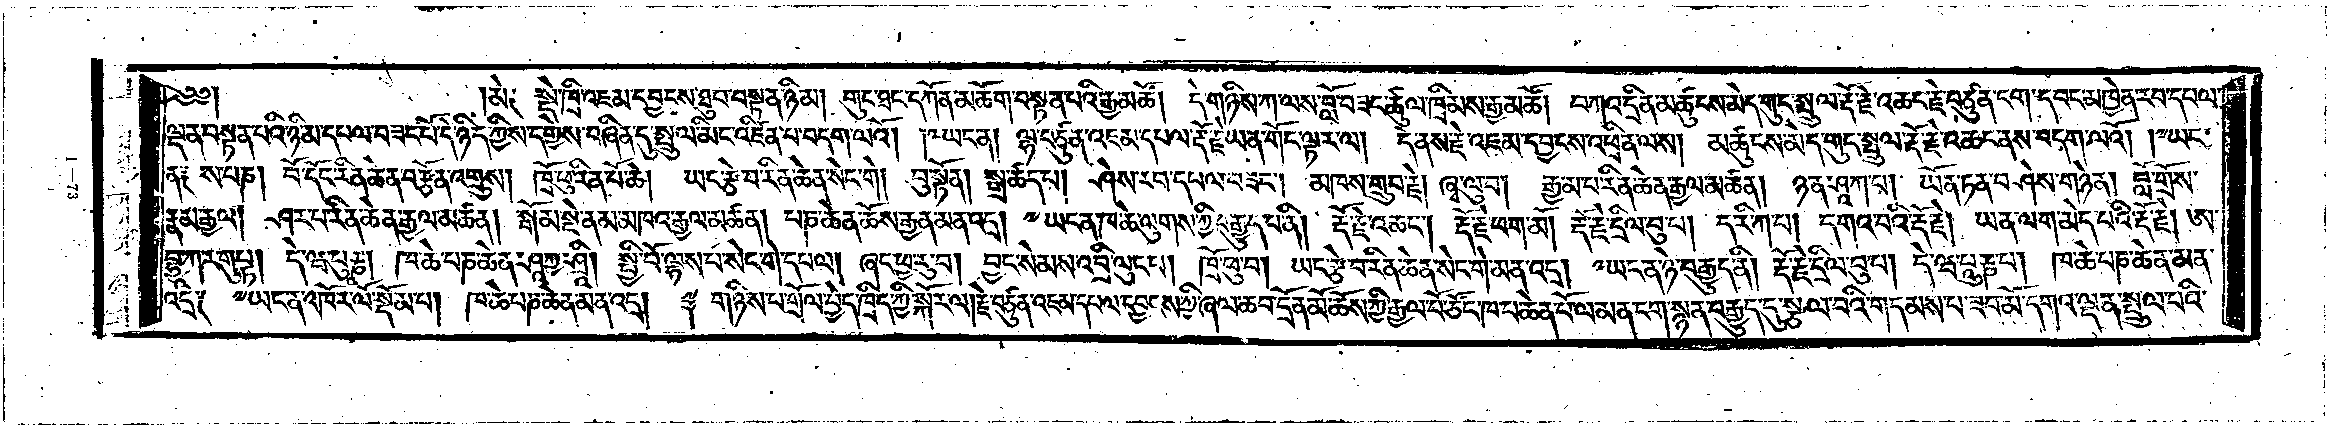༄༅། །མེ༑ སྡེ་ཁྲི་འཇམ་དབྱངས་ཐུབ་བསྟན་ཉི་མ། གུང་ཐང་དཀོན་མཆོག་བསྟན་པའི་རྒྱ་མཚོ། དེ་གཉིས་ཀ་ལས་བློ་བཟང་ཚུལ་ཁྲིམས་རྒྱ་མཚོ། བཀའ་དྲིན་མཚུངས་མེད་གུང་སྤྲུལ་རྡོ་རྗེ་འཆང་རྗེ་བཙུན་ངག་དབང་མཁྱེན་རབ་དཔལ་
ལྡན་བསྟན་པའི་ཉི་མ་དཔལ་བཟང་པོ་དེ་ཉིད་ཀྱིས་དགྱེས་བཞིན་དུ་སྤྲུལ་མིང་འཛིན་པ་བདག་ལའོ། །༧ཡང་ན། ལྷ་བཙུན་འཇམ་དཔལ་རྡོ་རྗེ་ཡན་གོང་ལྟར་ལ། དེ་ནས་རྗེ་འཇམ་དབྱངས་འཕྲིན་ལས། མཚུངས་མེད་གུང་སྤྲུལ་རྡོ་རྗེ་འཆད་ནས་བདག་ལའོ། །༧ཡང་
ན༑ ས་པཎ། བོ་དོང་རིན་ཆེན་བརྩོན་འགྲུས། ཁྲོ་ཕུ་རིན་པོ་ཆེ། ཡང་རྩེ་བ་རིན་ཆེན་སེང་གེ། བུ་སྟོན། སྒྲ་ཚད་པ། ཤེས་རབ་དཔལ་བཟང་། མཁས་གྲུབ་རྗེ། ཞྭ་ལུ་བ། རྒྱ་མ་པ་རིན་ཆེན་རྒྱལ་མཚན། ཉན་ཤཱཀྱ་པ། ཡོན་ཏན་བཤེས་གཉེན། བློ་གྲོས་
རྣམ་རྒྱལ། ཤར་པ་རིན་ཆེན་རྒྱལ་མཚན། སྒོམ་སྡེ་ནམ་མཁའ་རྒྱལ་མཚན། པཎ་ཆེན་ཆོས་རྒྱན་མན་འདྲ། ༧ཡང་ན་ཁ་ཆེ་ལུགས་ཀྱི་བརྒྱུད་པ་ནི། རྡོ་རྗེ་འཆག། རྡོ་རྗེ་ཕག་མོ། རྡོ་རྗེ་དྲིལ་བུ་པ། ད་རི་ལ་པ། དགའ་བའི་དོ་རྗེ། ཡན་ལག་མེ་དཔའི་དོ་རྗེ། ཨ་
བྷྱཱ་ཀ་ར་གུཔྟ། དེ་ཝ་པུ་རྣ། ཁ་ཆེ་པཎ་ཆེན་ཤཱཀྱ་ཤྲཱི། སྤྱི་བོ་ལྷས་པ་སེང་གེ་དཔལ། ཞང་ཕྱ་རུ་བ། བྱང་སེམས་འབྲི་ལུང་པ། ཁོ་ཕུ་བ། ཡང་རྩེ་བ་རིན་ཆེན་སེང་གེ་པན་འདྲ། ༧ཡང་ན་ཉེ་བརྒྱུད་ནི། རྡོ་རྗེ་དྲིལ་བུ་པ། དེ་ཝརྣ་པ། ཀ་ཆེ་པཎ་ཆེན་མན་
འདྲི༑ ༧ཡང་ན་འཁོར་ལོ་སྡོམ་པ། ཁ་ཆེ་པཎ་ཆེན་མན་འདྲ། ༈གཉིས་པ་གྲོལ་བྱེད་ཁྲིད་ཀྱི་སྐོར་ལ། རྗེ་བཙུན་འཇམ་དཔལ་དབྱངས་ཀྱི་ཞལ་ཆབ་དྲོམ་མོ་ཆོས་ཡི་རྒྱལ་པོ་ཙོང་ཁ་པ་ཆེན་པོ་ལ་མན་ངག་སྙན་བརྒྱུད་དུ་སྩལ་བའི་གདམས་པ་ཟབ་མོ་དགའ་ལྡན་སྤྲུལ་པའི་